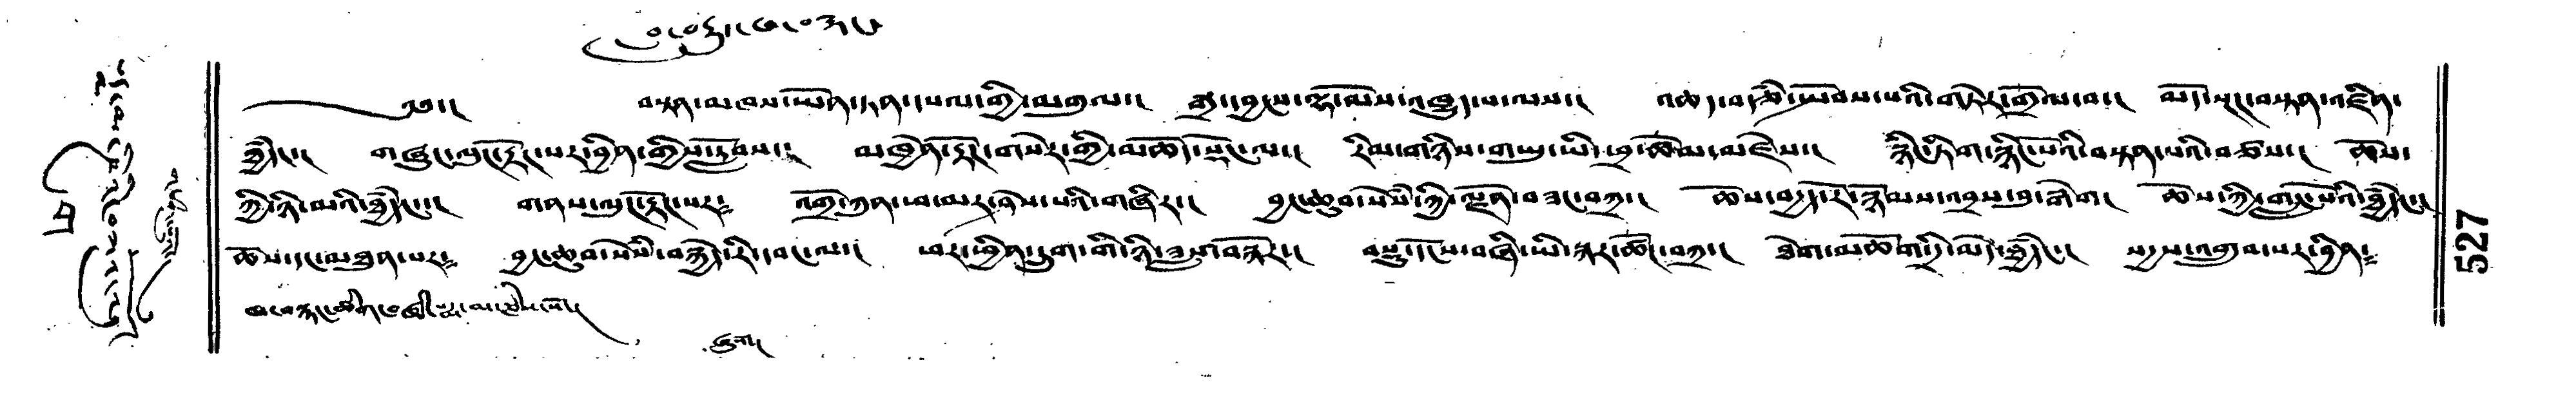༄༅། བླ་རྒྱུད་ཁ་སྐོང་། བསྟན་མཁས་ཡོན་ཏན་དཔལ་གྱི་མགུལ། །སྒྲ་དབྱངས་ལྷ་མོས་འཁྱུད་པ་ལས། །འཆད་རྩོམ་སྤོབས་པའི་གཏེར་གྲོལ་བ། །མདོ་སྔགས་བསྟན་འཛིན་
ཐུགས་དམ་བསྐང་། །གཞུང་ལུང་རྟོགས་པར་བྱིན་གྱི་རློབས། །མཁྱེན་རྟོགས་གསེར་གྱི་མཆོད་སྡོང་ལ། །རིམ་གཉིས་གཡུ་ཡི་ཕྲ་ཚོམ་མཛེས། །སྙིང་ཏིག་སྙིང་པོའི་བསྟན་པའི་བཙས། །ཆོས་
ཀྱི་ཉི་མའི་ཐུགས་དམ་བསྐང་། །གནས་ལུགས་རྟོགས་པར་བྱིན་གྱིས་རློབས། །འགྲོ་ཀུན་ཕ་མར་ཤེས་པའི་གཞིར། །བྱང་ཆུབ་སེམས་ཀྱི་ལྗོན་བཟང་བཀྲ། །ཆོས་བརྒྱད་རོ་སྙོམས་འབྲས་བུས་ཕྱུག །ཆོས་ཀྱི་གླང་པོའི་ཐུགས་དམ་བསྐང་། །
ཆོས་དང་མཐུན་པར་། །བྱང་ཆུབ་སེམས་བསྐྱེད་རི་དབང་ལ། །ཕར་ཕྱིན་དྲུག་གི་ཉི་ཟླས་བསྐོར། །བསྡུ་དངོས་བཞི་ཡི་སྐར་ཚོགས་བཀྲ། །ཐེག་མཆོག་དྲི་མེད་ཐུགས་དམ་བསྐང་། །སངས་རྒྱས་འགྲུབ་པར་བྱིན་གྱིས་རློབས། །
ཁ་སྐོང་ཚིག་བཞི་པདྨ་མ་ཎིས་སོ།།